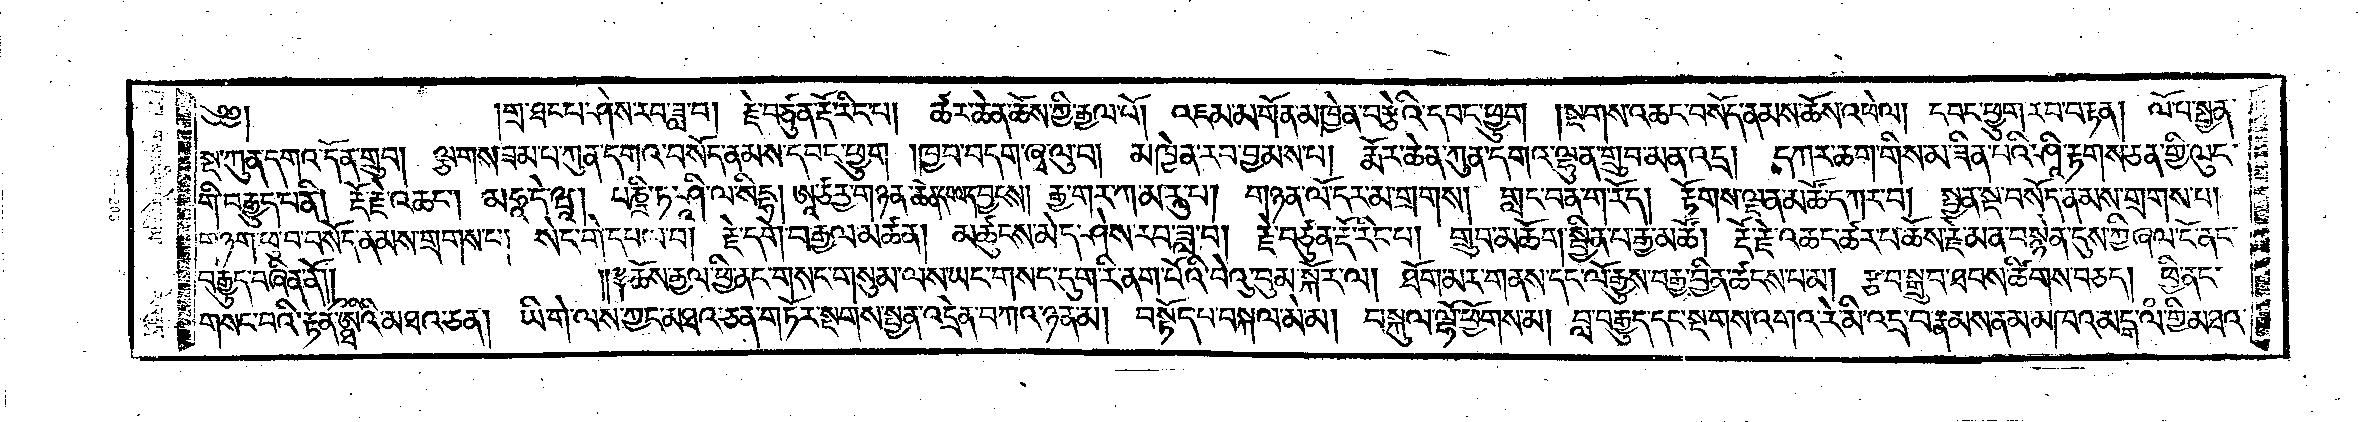༄༅། །གྲ་ཐང་པ་ཤེས་རབ་ཟླ་བ། རྗེ་བཙུན་རྡོ་རིང་པ། ཚར་ཆེན་ཆོས་ཀྱི་རྒྱལ་པོ། འཇམ་མགོན་མཁྱེན་བརྩེའི་དབང་ཕྱུག །སྔགས་འཆང་བསོད་ནམས་ཆོས་འཕེལ། དབང་ཕྱུག་རབ་བརྟན། ལོ་པ་སྤྱན་
སྔ་ཀུན་དགའ་དོན་གྲུབ། ལྕགས་ཟམ་པ་ཀུན་དགའ་བསོད་ནམས་དབང་ཕྱུག །ཁྱབ་བདག་ཞྭ་ལུ་བ། མཁྱེན་རབ་བྱམས་པ། རྨོར་ཆེན་ཀུན་དགའ་ལྷུན་གྲུབ་མན་འདྲ། དཀར་ཆག་གིས་མ་ཟིན་པའི་ཤཱི་རྟགས་ཅན་གྱི་ལུང་
གི་བརྒྱུད་པ་ནི། རྡོ་རྗེ་འཆང་། མྷཱ་དེ་ཝཱ། པཎྜི་ཏ་ཤཱི་ལ་སིདྷ། ཨཱ་ཙརྱ་གཉེན་ཆེན་དཔལ་དབྱངས། རྒྱ་གར་ཀ་མ་རཱུ་པ། གཉན་ལོ་དར་མ་གྲགས། གླང་བན་ག་རྡོ། རྟོགས་ལྡན་མཚོ་དཀར་བ། སྤྱན་སྔ་བསོད་ནམས་གྲགས་པ།
གཉག་ཕུ་བ་བསོད་ནམས་གྲགས་པ། སེང་གེ་དཔལ་བ། རྗེ་དགེ་བ་རྒྱལ་མཚན། མཚུངས་མེད་ཤེས་རབ་ཟླ་བ། རྗེ་བཙུན་རྡོ་རིང་པ། གྲུབ་མཆོག་སྦྱིན་པ་རྒྱ་མཚོ། རྡོ་རྗེ་འཆང་ཚར་པ་ཆོས་རྗེ་མན་བསྙེན་དུས་ཀྱི་ཞལ་ངོ་ནང་
བརྒྱུད་བཞིན་ནོ།། །།༈ ཆོས་རྒྱལ་ཕྱི་ནང་གསང་གསུམ་ལས་ཡང་གསང་དུག་རི་ནག་པོའི་བེའུ་བུམ་སྐོར་ལ། ཐོག་མར་གནས་དང་ལོ་རྒྱུས་བརྒྱ་བྱིན་ཚངས་པ་མ། རྩ་བ་སྒྲུབ་ཐབས་ཚིགས་བཅད། ཕྱི་ནང་
གསང་བའི་རྟན་ཨྀཐིའི་མཐའ་ཅན། ཡི་གེ་ལས་ཀྱང་མཐའ་ཅན་གཏོར་སྔགས་སྤྱན་འདྲེན་བཀའ་ཉན་མ། བསྟོད་པ་བསྐལ་མེ་མ། བསྐུལ་ལྷོ་ཕྱོགས་མ། བླ་བརྒྱུད་དང་སྔགས་འགའ་རེ་མི་འདྲ་བ་རྣམས་ནམ་མཁའ་མངྒ་ལཾ་གྱི་མཐའ་